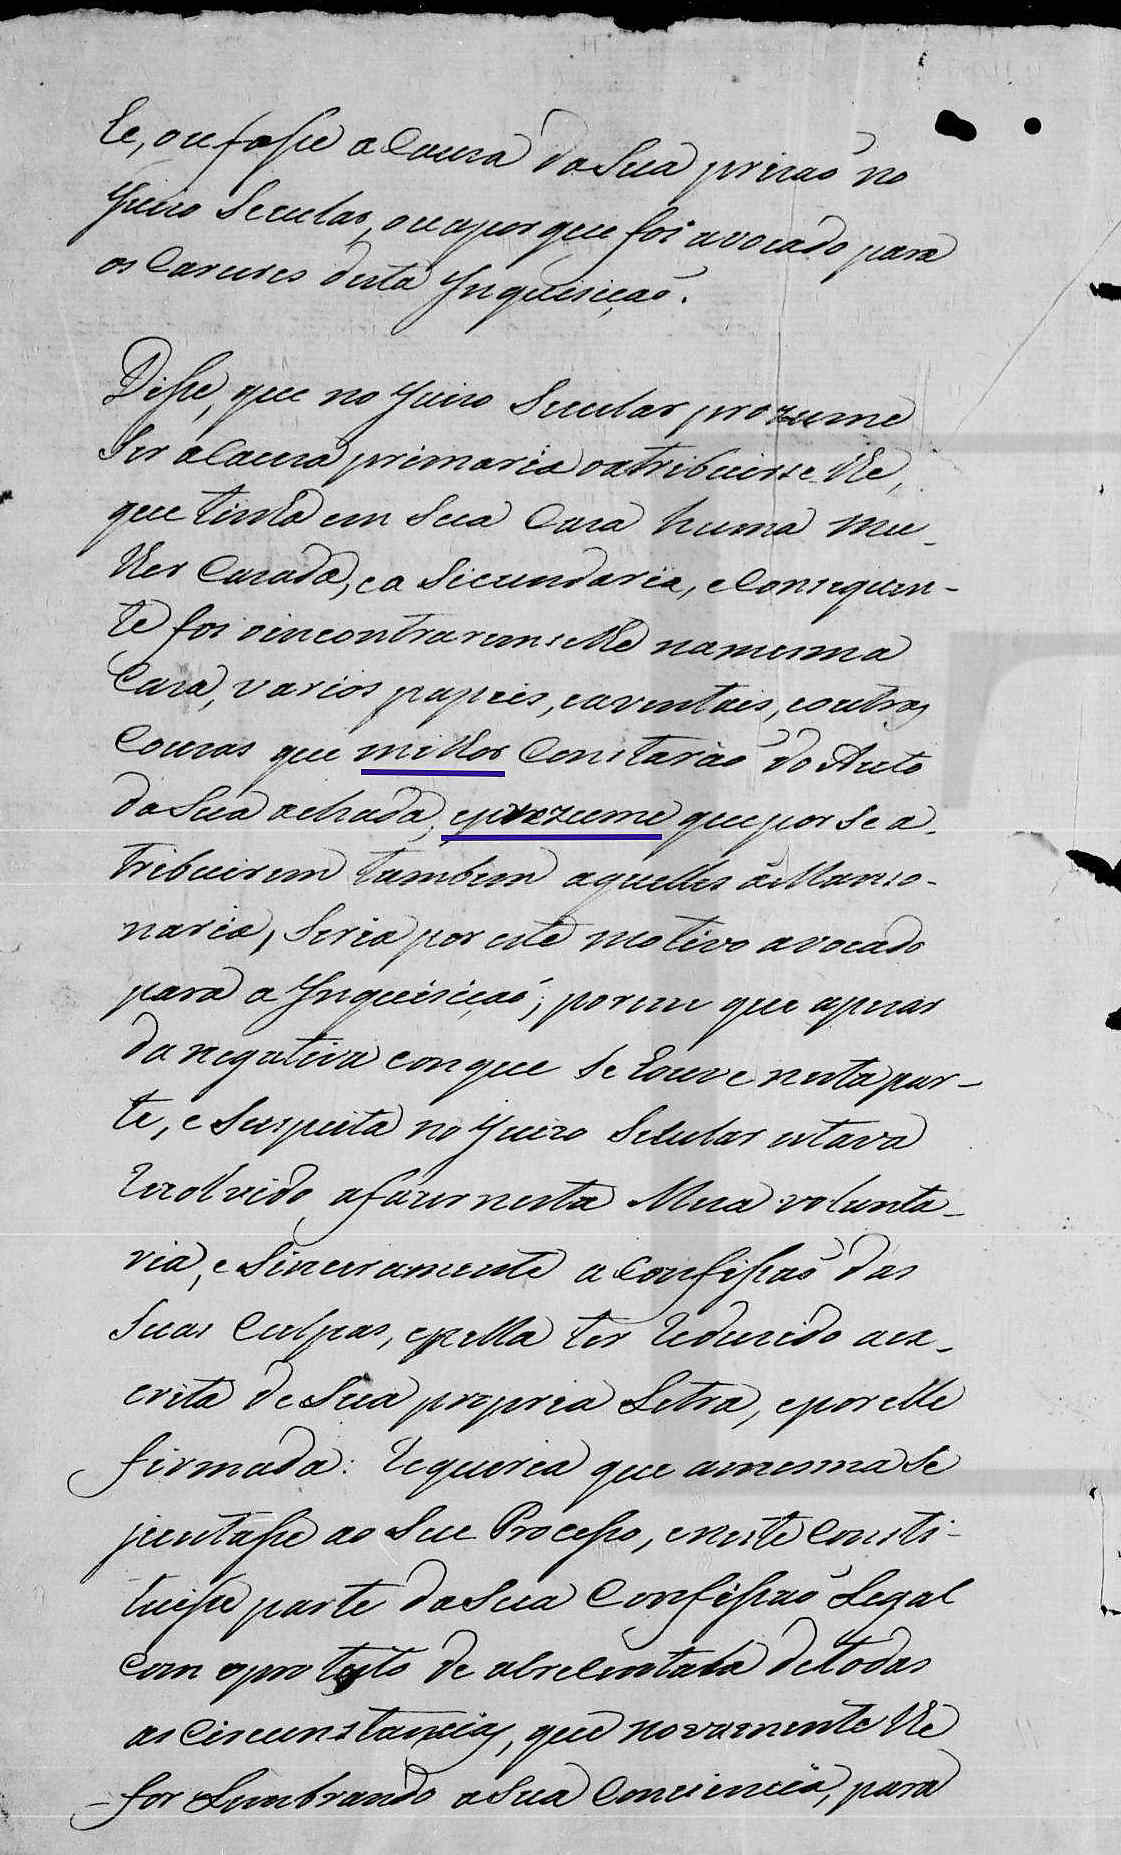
he, ou fosce a causa da sua prisaõ no
Juiso Secular, ou após que foi avocado para
os Carceres desta Inquisiçaõ.
Disse, que no Juiso Secular prozume
ser a causa primaria o atribuir-se-lhe,
que tinha em sua casa huma mu
lher casada, e a Sicundaria, e consequen
te foi o incontrarem-se-lhe na mesma
Casa, varios papeis, e aventais, e outras
cousas que milhor constaraõ do Auto
da sua achada, e prezume que por se a
tribuirem tambem aquelles à Manso
naria, seria por este motivo avocado
para a Inquisiçaõ, porem que apesar
da negativa em que se houve nesta par
te, e suspeita no Juizo Secular estava
rezolvido a fazer nesta Mesa volunta
ria, e sinceramente a confissaõ das
suas culpas, e pella ter reduzido a es
crita de sua propria letra, e por elle
firmada: Requeria que a mesma se
juntasse ao seu Processo, e neste consti
tuisse parte da sua confissaõ legal
com o protesto de acrecentada de todas
as circunstancias, que no novamente lhe
for lembrando a sua consciencia, para
